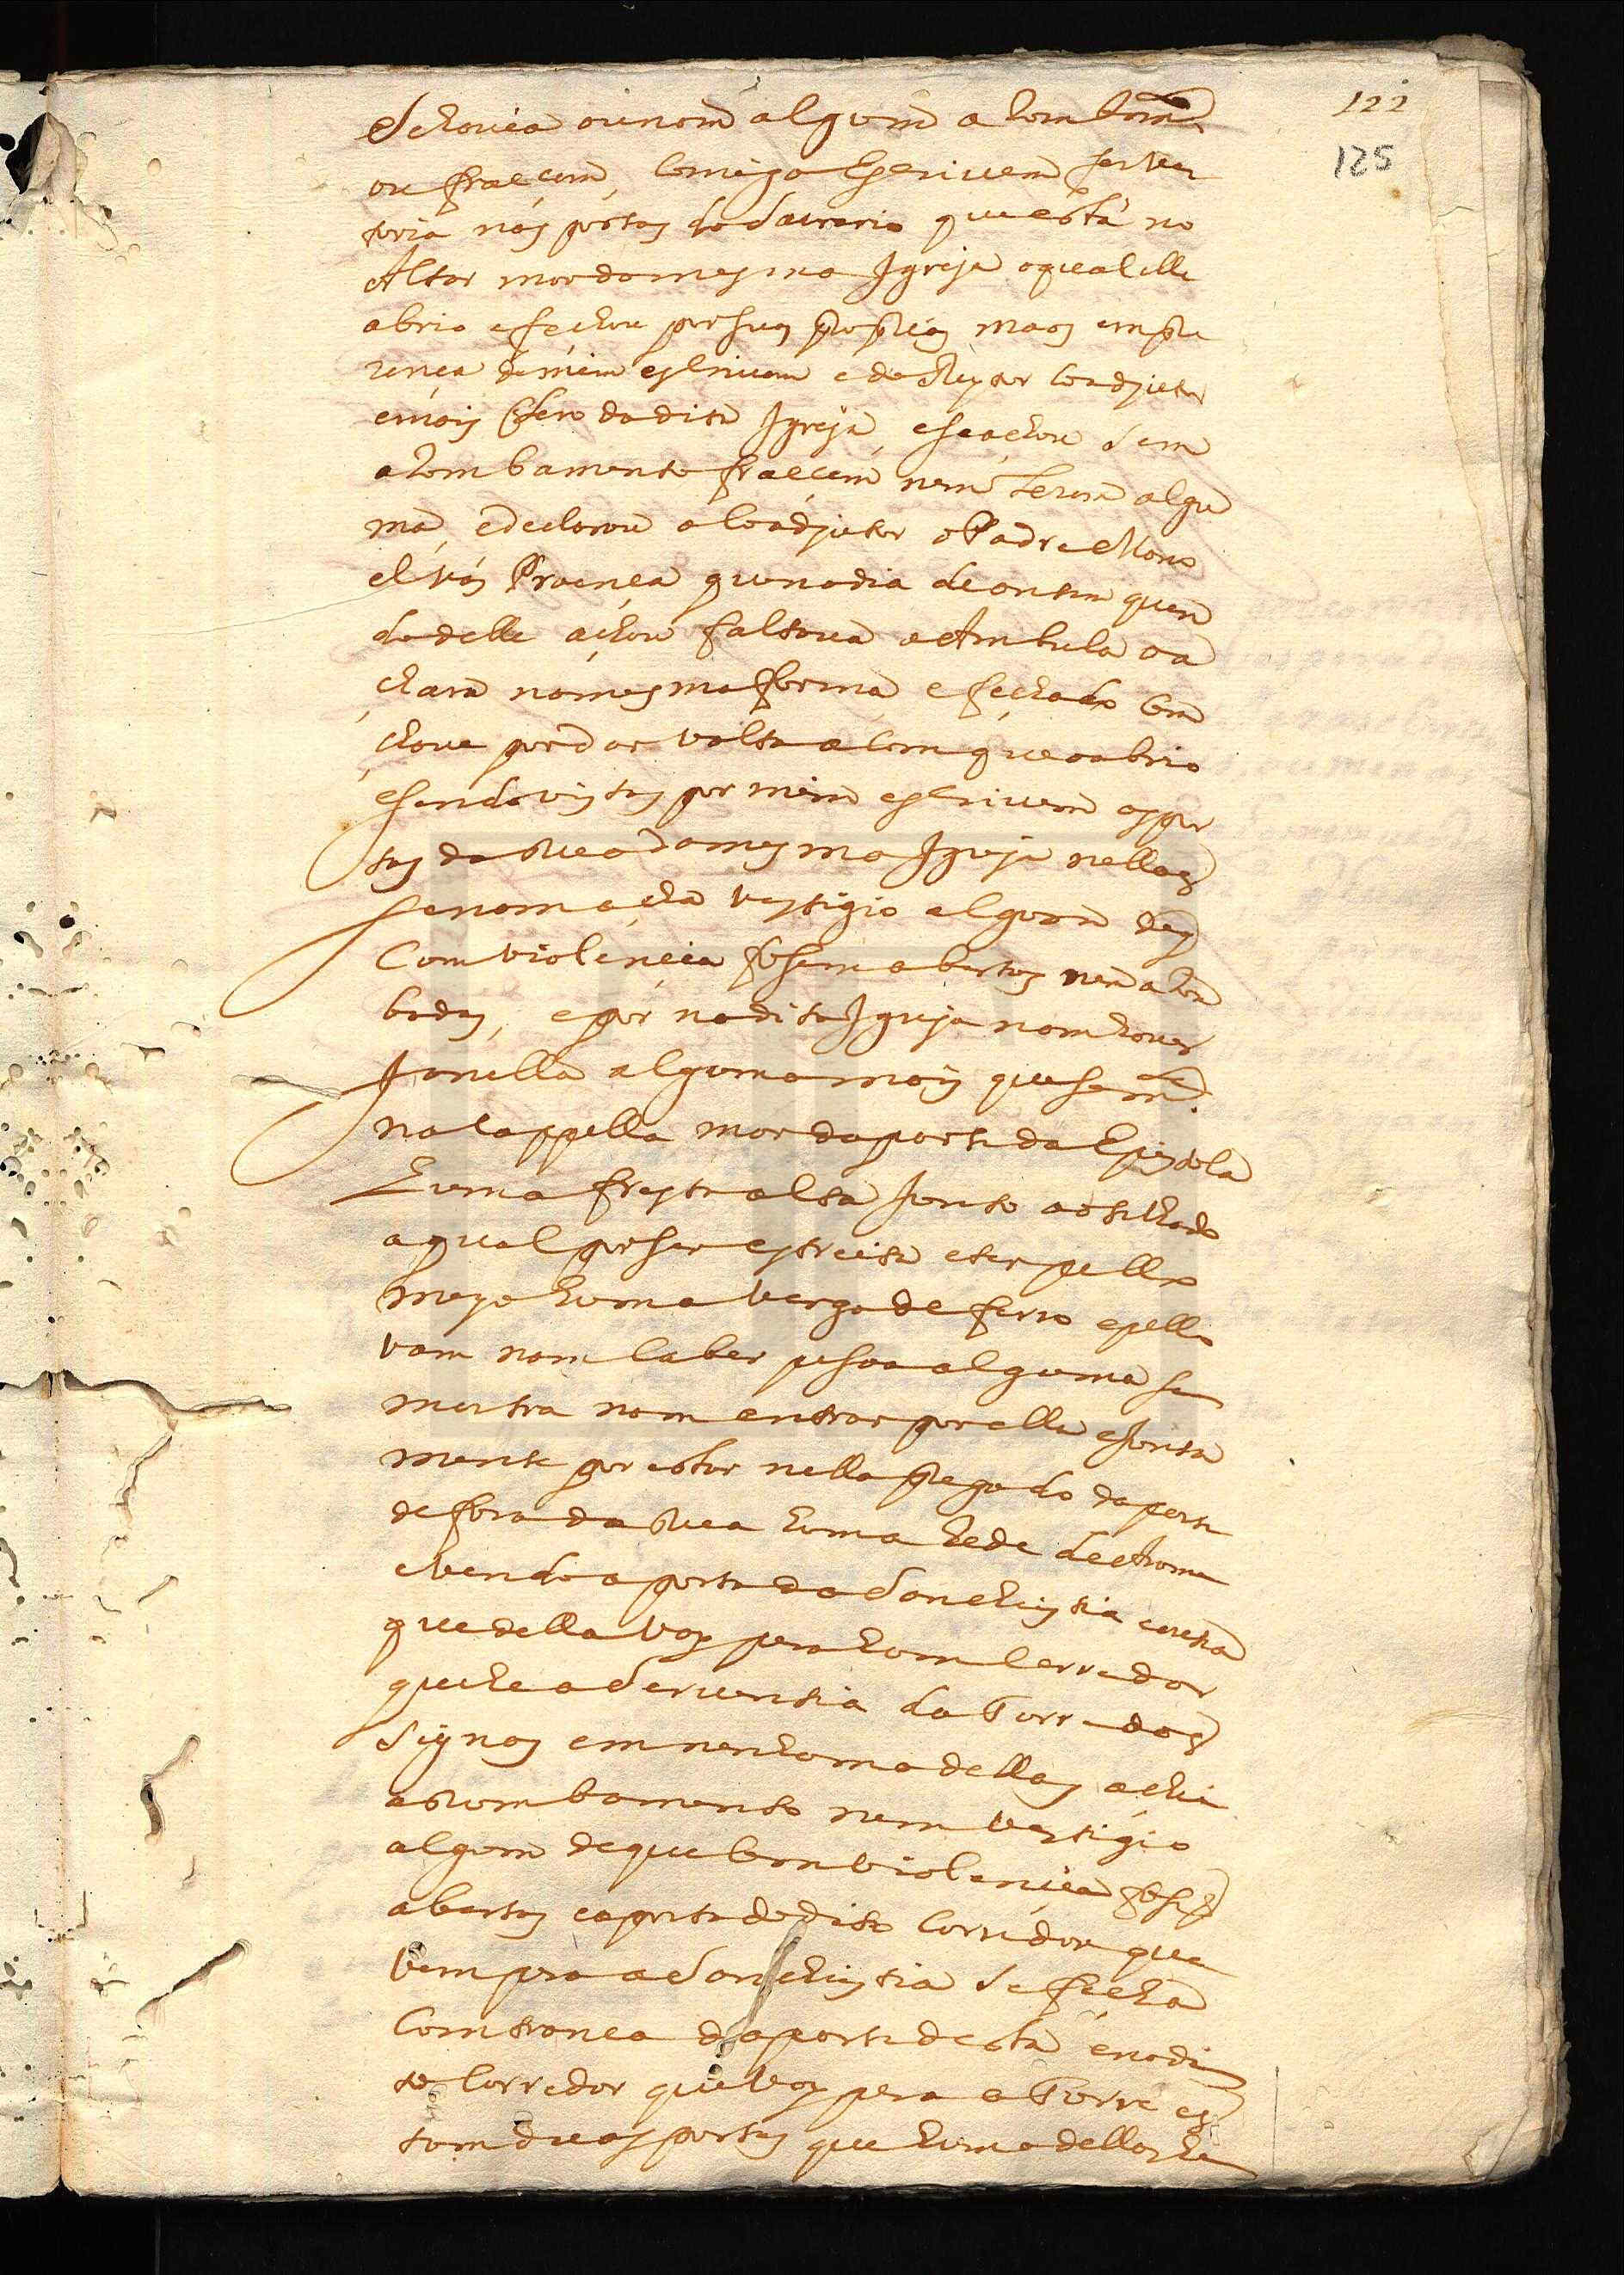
Se hauia, ou nam algum aRombamto,
ou fracçam, Comigo Escriuam fes ves
toria nas portas do Sacrario que está no
Altar mor da mesma Jgreja o qual elle
abrio e fechou por suas pRopRias maos em pRe
zença de mim escriuam e do Reytor coadjutor
e mais Clero da dita Jgreja, e se achou sem
aRombamento fracçam nem Lezura algu
ma, e declarou o Coadjutor o Padre Mano
el vás Proença que no dia de ontem quan
do delle achou faltaua a Ambula o a
chara na mesma forma e fechado com
chaue por dar volta a com que o abrio
e sendo vistas por mim escriuam as por
tas da Rua da mesma Jgreja nellas
se nam acha vestigio algum de q̄
Com violencia fosem abertos nem aRom
badas e por na dita Jgreja nam hauer
Janella alguma mais que som.te
na cappella mor da parte da Epistola
huma fresta alta Junto ao telhado
a qual por ser estreita e ter pello
meyo huma verga de ferro e pello
vam nam Caber pesoa alguma se
mostra nam entrar por ella e Junta
mente por estar nella pregado da parte
de fora da Rua huma Rede de Arame
e vendo a porta da Sanchristia e outra
que della vay pera hum corredor
que he a Seruentia da Torre dos
signos em nenhuma dellas achei
aRombamento nem vestigio
algum de que com violencia fossaõ
abertos e a porta do dito corredor que
vem pra a San_christia se fecha
com tranca da porta desta e no di
to corredor que vay pera o Torre es
tam duas portas que huma dellas he
